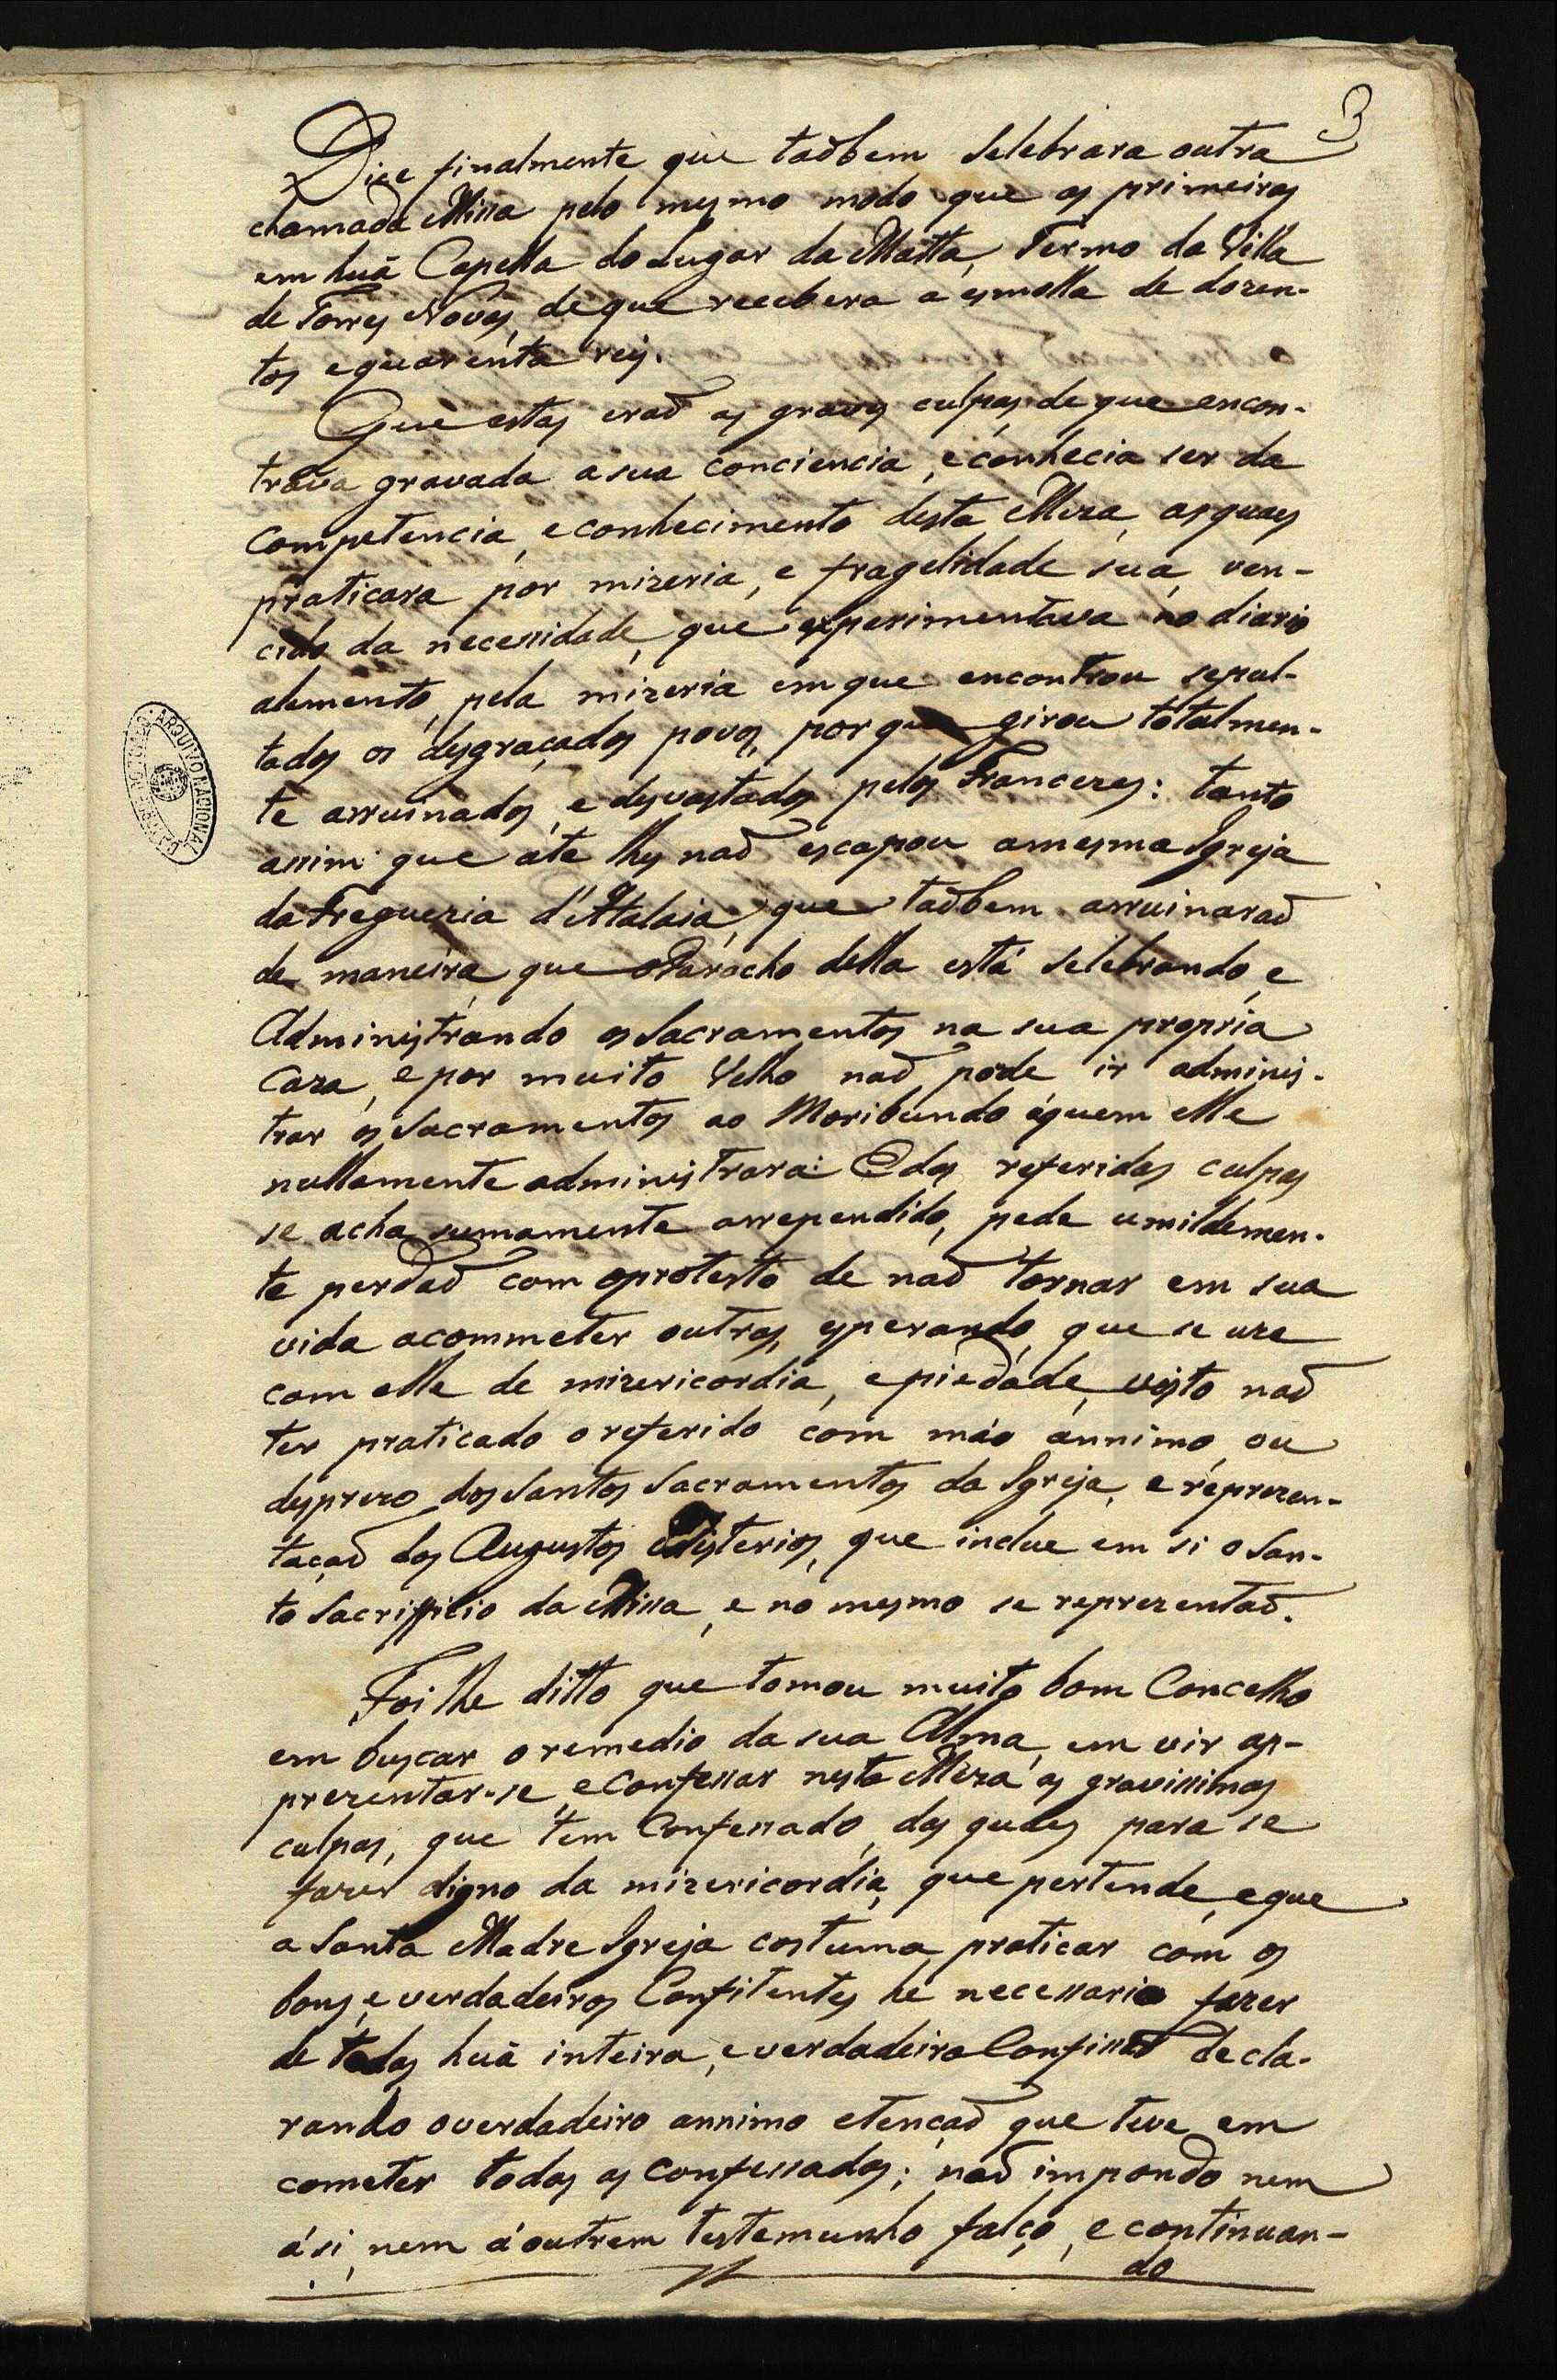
Dice finalmente que taõbem selebrara outra
chamada Missa pelo mesmo modo que as primeiras
em huā Capella do Lugar da Matta, Termo da Villa
de Torres Novas, de que recebera a esmolla de dozen
tos e quarenta reis.
Que estas eraõ as graves culpas de que encon
trava gravada a sua conciencia, e conhecia ser da
competencia, e conhecimento desta Meza, as quaes
praticara por mizeria, e fragelidade sua ven
cido da necessidade, que experimentava no diario
alemento, pela mizeria em que encontrou sepul
tados os desgraçados povos, porque girou totalmen
te arruinados, e desvastados pelos Francezes: tanto
assim que ate lhes naõ escapou a mesma Igreja
da Freguezia d'Atalaia, que taõbem arruinaraõ
de maneira que o Parocho della está selebrando e
Administrando os Sacramentos na sua propria
caza, e por muito Velho, naõ pode ir adminis
trar os sacramentos ao Moribundo á quem elle
nullamente administrara: E das referidas culpas
se acha sumamente arrependido, pede umildemen
te perdaõ com o protesto de naõ tornar em sua
vida a commeter outras, esperando, que se uze
com elle de mizericordia, e piedade, visto naõ
ter praticado o referido com máo annimo, ou
desprezo dos Santos Sacramentos da Igreja, e reprezen
laçaõ dos Augustos Misterios, que inclue em si o San
to sacrifficio da Missa, e no mesmo se reprezentaõ.
Foilhe ditto que tomou muito bom Concelho
em buscar o remedio da sua Alma, em vir ap
prezentar-se, e confessar nesta Meza as gravissimas
culpas, que tem Confessado, das quaes para se
fazer digno da mizericordia, que pertende, e que
a Santa Madre Igreja costuma, praticar com os
bons, e verdadeiros Confitentes hé necessario fazer
de todas huā inteira, e verdadeira Confissaõ decla
rando o verdadeiro annimo e tençaõ que teve em
cometer todas as confessadas; naõ impondo nem
á si, nem á outrem testemunho falço, e continuan
do
